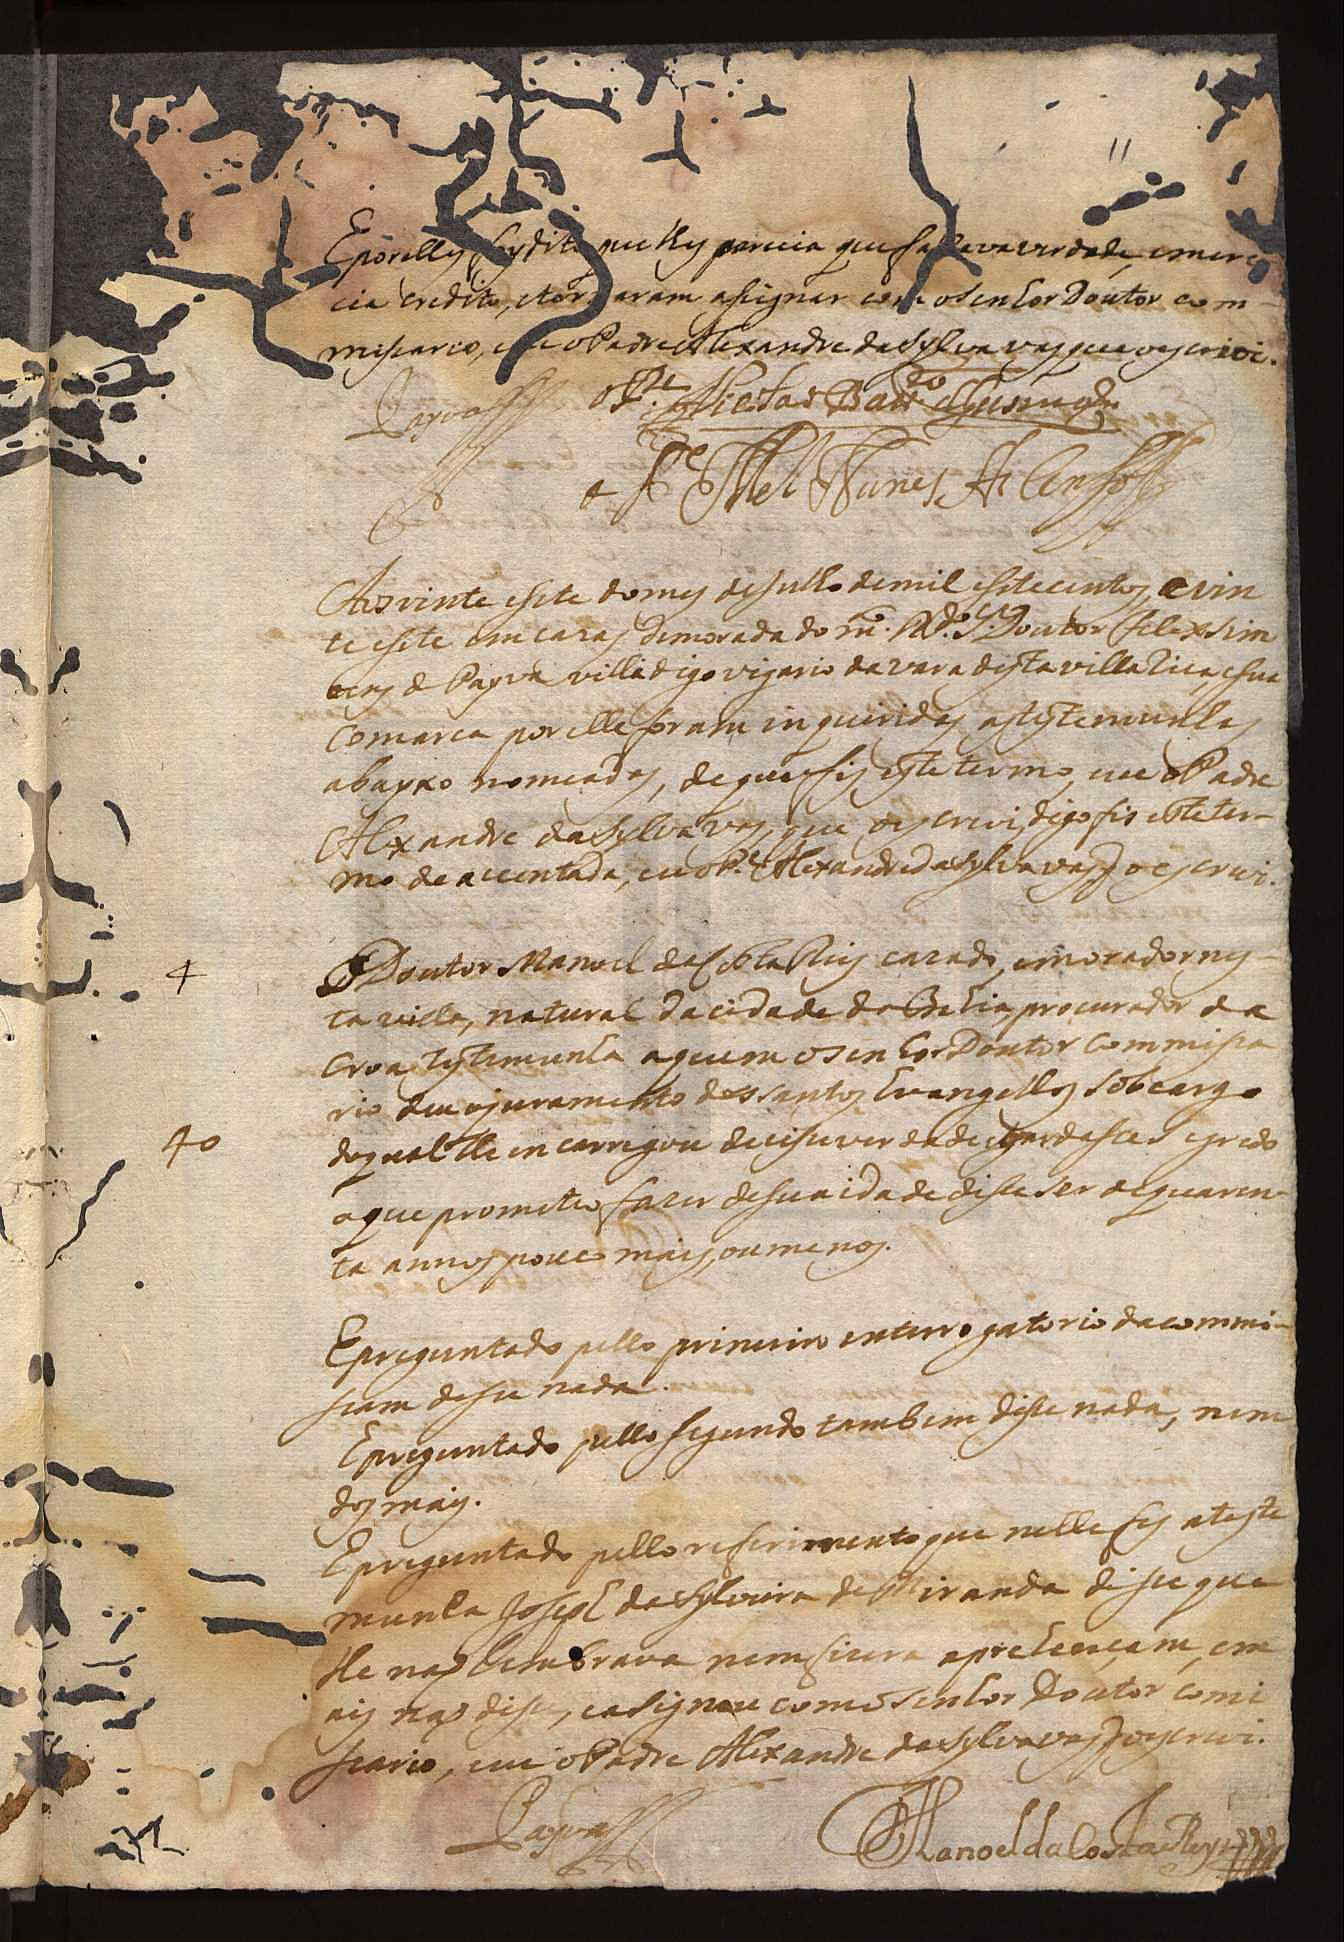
E por elles foy dito que lhes parecia que falava verdade, e mere
cia credito, e tor_aram assignar com o senhor Doutor com
missario, e u o Padre Alexandre da Sylva vas que o escrevi.
Payva o P.e Nicolao Barr.to d Gusmaõ
o Pe Mel Nunes AsCenso
Aos vinte e sete do mes de Julho de mil e setecentos, e vin
te e sete em cazas de morada do m.to R.do Sr Doutor Felix Sim
oens de Payva villa digo vigario da vara desta villa Rica, e sua
Comarca por elle foram inquiridas as testemunhas
abayxo nomeadas, de que fis este termo, e eu o Padre
Alexandre da Sylva vas, que o escrevi, digo fis este ter
mo de accentada, eu o P.e Alexande da Sylva vas, q̄ o escrevi.
O Doutor Manoel da Costa Reis cazado, e morador nes
4
ta villa, natural da cidade da Bahia, procurador da
Croa testemunha a quem o senhor Doutor commissa
rio deu o juramento dos santos Evangelhos sob cargo
do qual lhe encarregou dicesse verdade e gardasse segredo
40
o que prometeo fazer de sua idade disse ser de quaren
ta annos pouco mais, ou menos.
E preguntado pello primeiro interrogatorio da commi
ssam disse nada.
E preguntado pello segundo tambem disse nada, nem
dos mais.
E preguntado pello referimento que nelle fes a teste
munha Joseph da Sylveira de Miranda disse que
lhe naõ lembrava nem fizera aprehençam, e m
ais naõ disse, e asignou com o senhor Doutor comi
ssario, e eu o Padre Alexandre da Sylva vas q̄ o escrevi.
Payva
Manoel da Costa Reys
